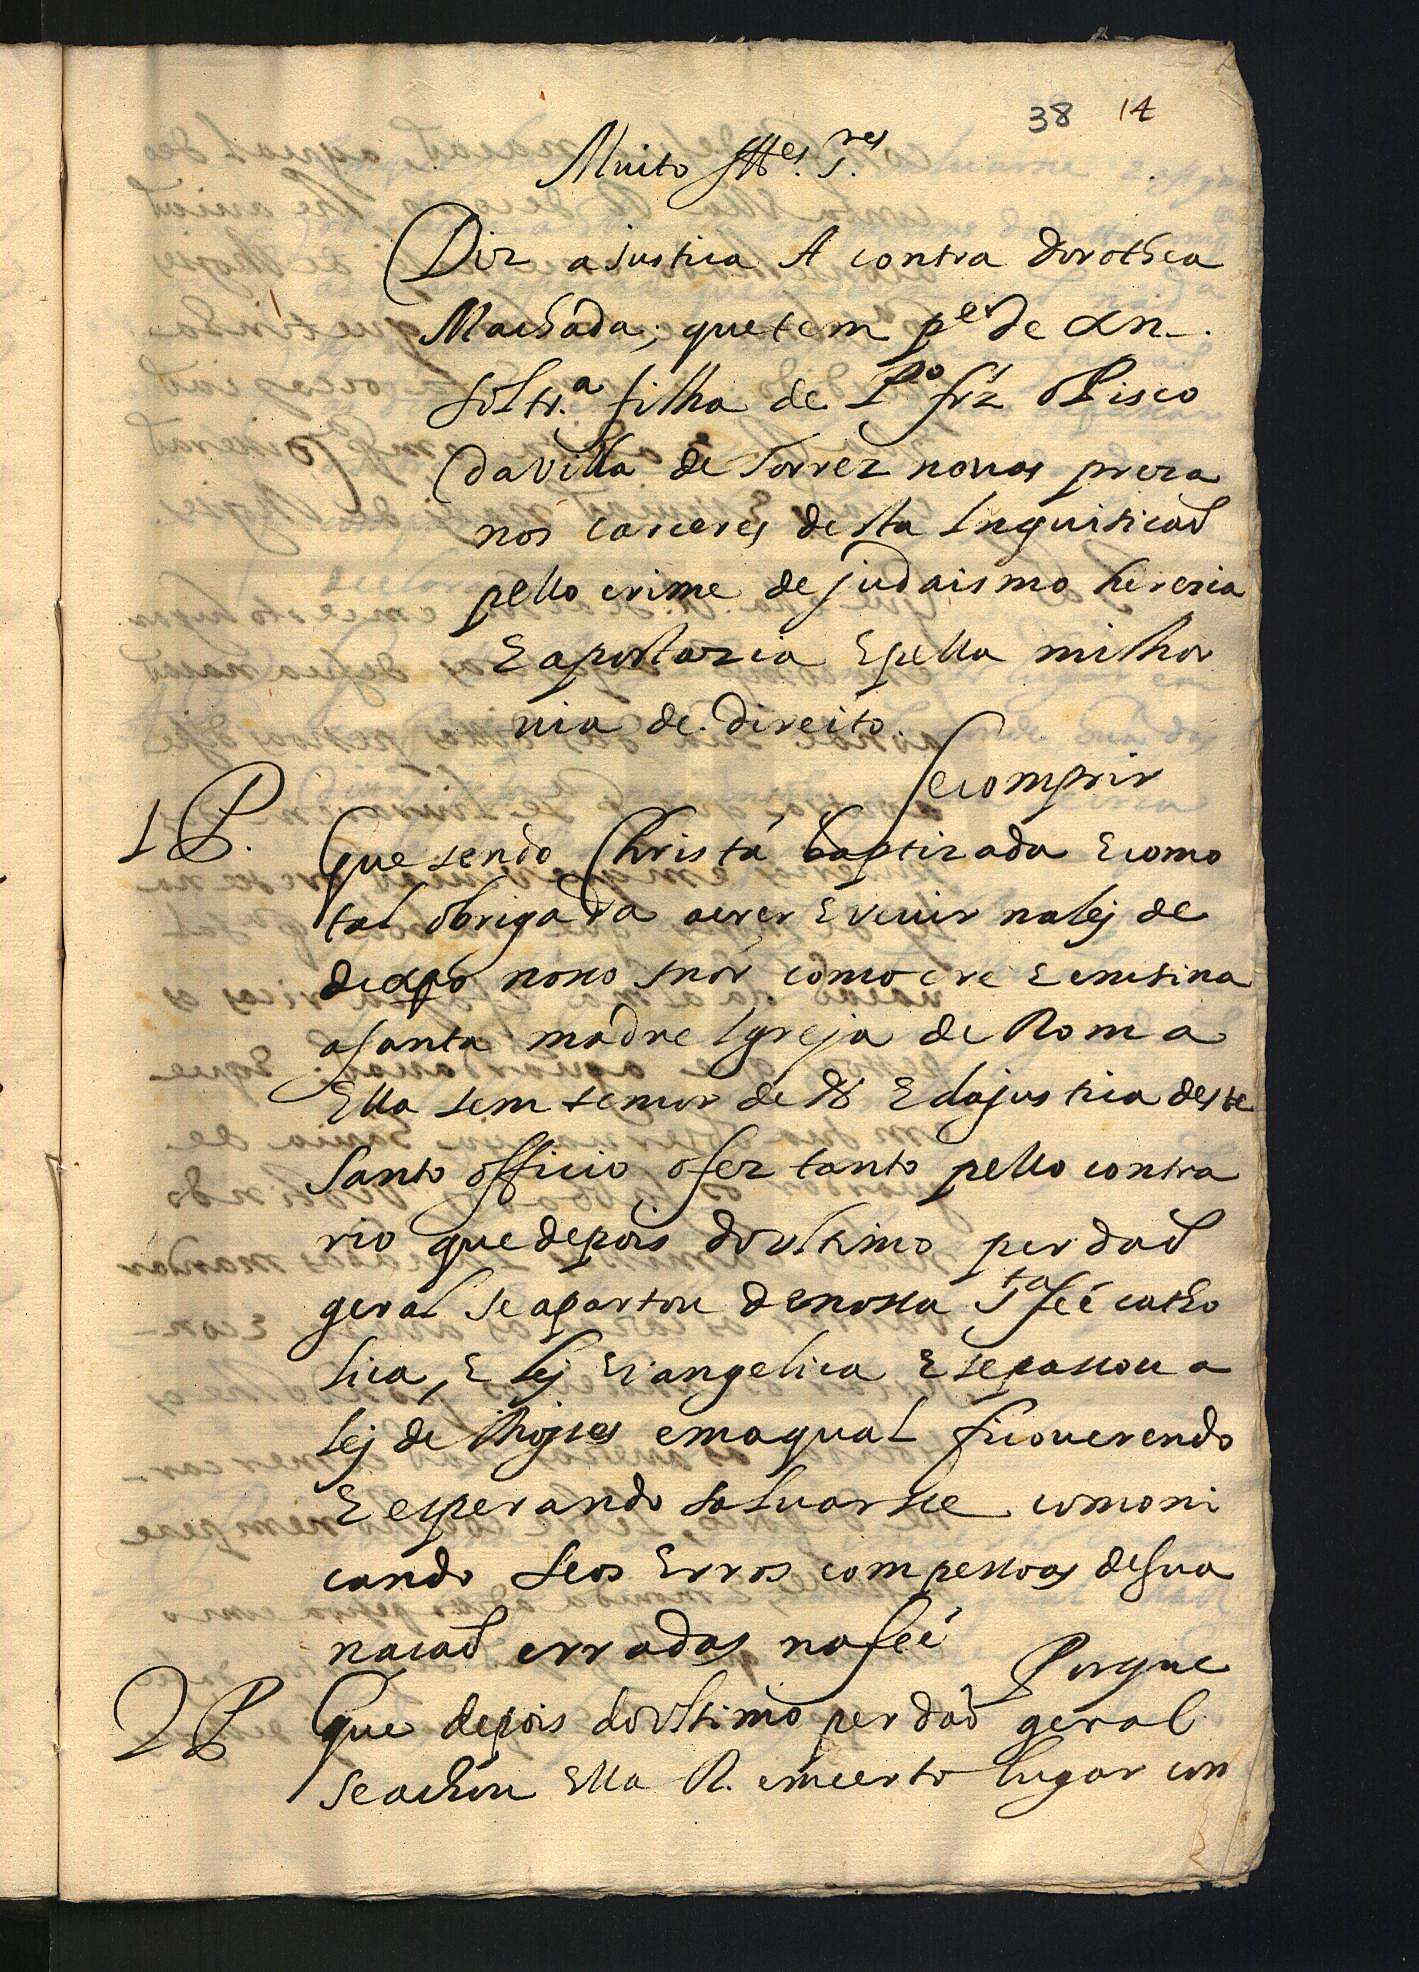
Muito Jl̄les. s.res
Diz a Iustica A contra Dorothea
Machada; que tem pe de xn.
soltr.a filha de Po frz̄ o Pisco
da villa de Torrez nouas preza
nos carceres desta Inquisicaõ
pello crime de judaismo herezia
E apostazia E pella milhor
uia de direito
Se comprir
1 P.
Que sendo Christā baptizada E como
tal obrigada a crer E veuir na lej de
de xpo nosso snor̄ como cre E emsina
a Santa madre Igreja de Roma
Ella sem temor de ds E da justica deste
Santo officio o fez tanto pello contra
rio que depois do vltimo perdaõ
geral se apartou de nossa sta feé catho
lica, E lej Evangelica E se passou a
lej de Mojses em a quaL ficou crendo
E esperando saluar sse comoni
cando seos Erros com pessoas de sua
naçaõ erradas na feé
Porque
2 P Que depois do vltimo perdaõ geral
se achou Ella R. em certo lugar con
